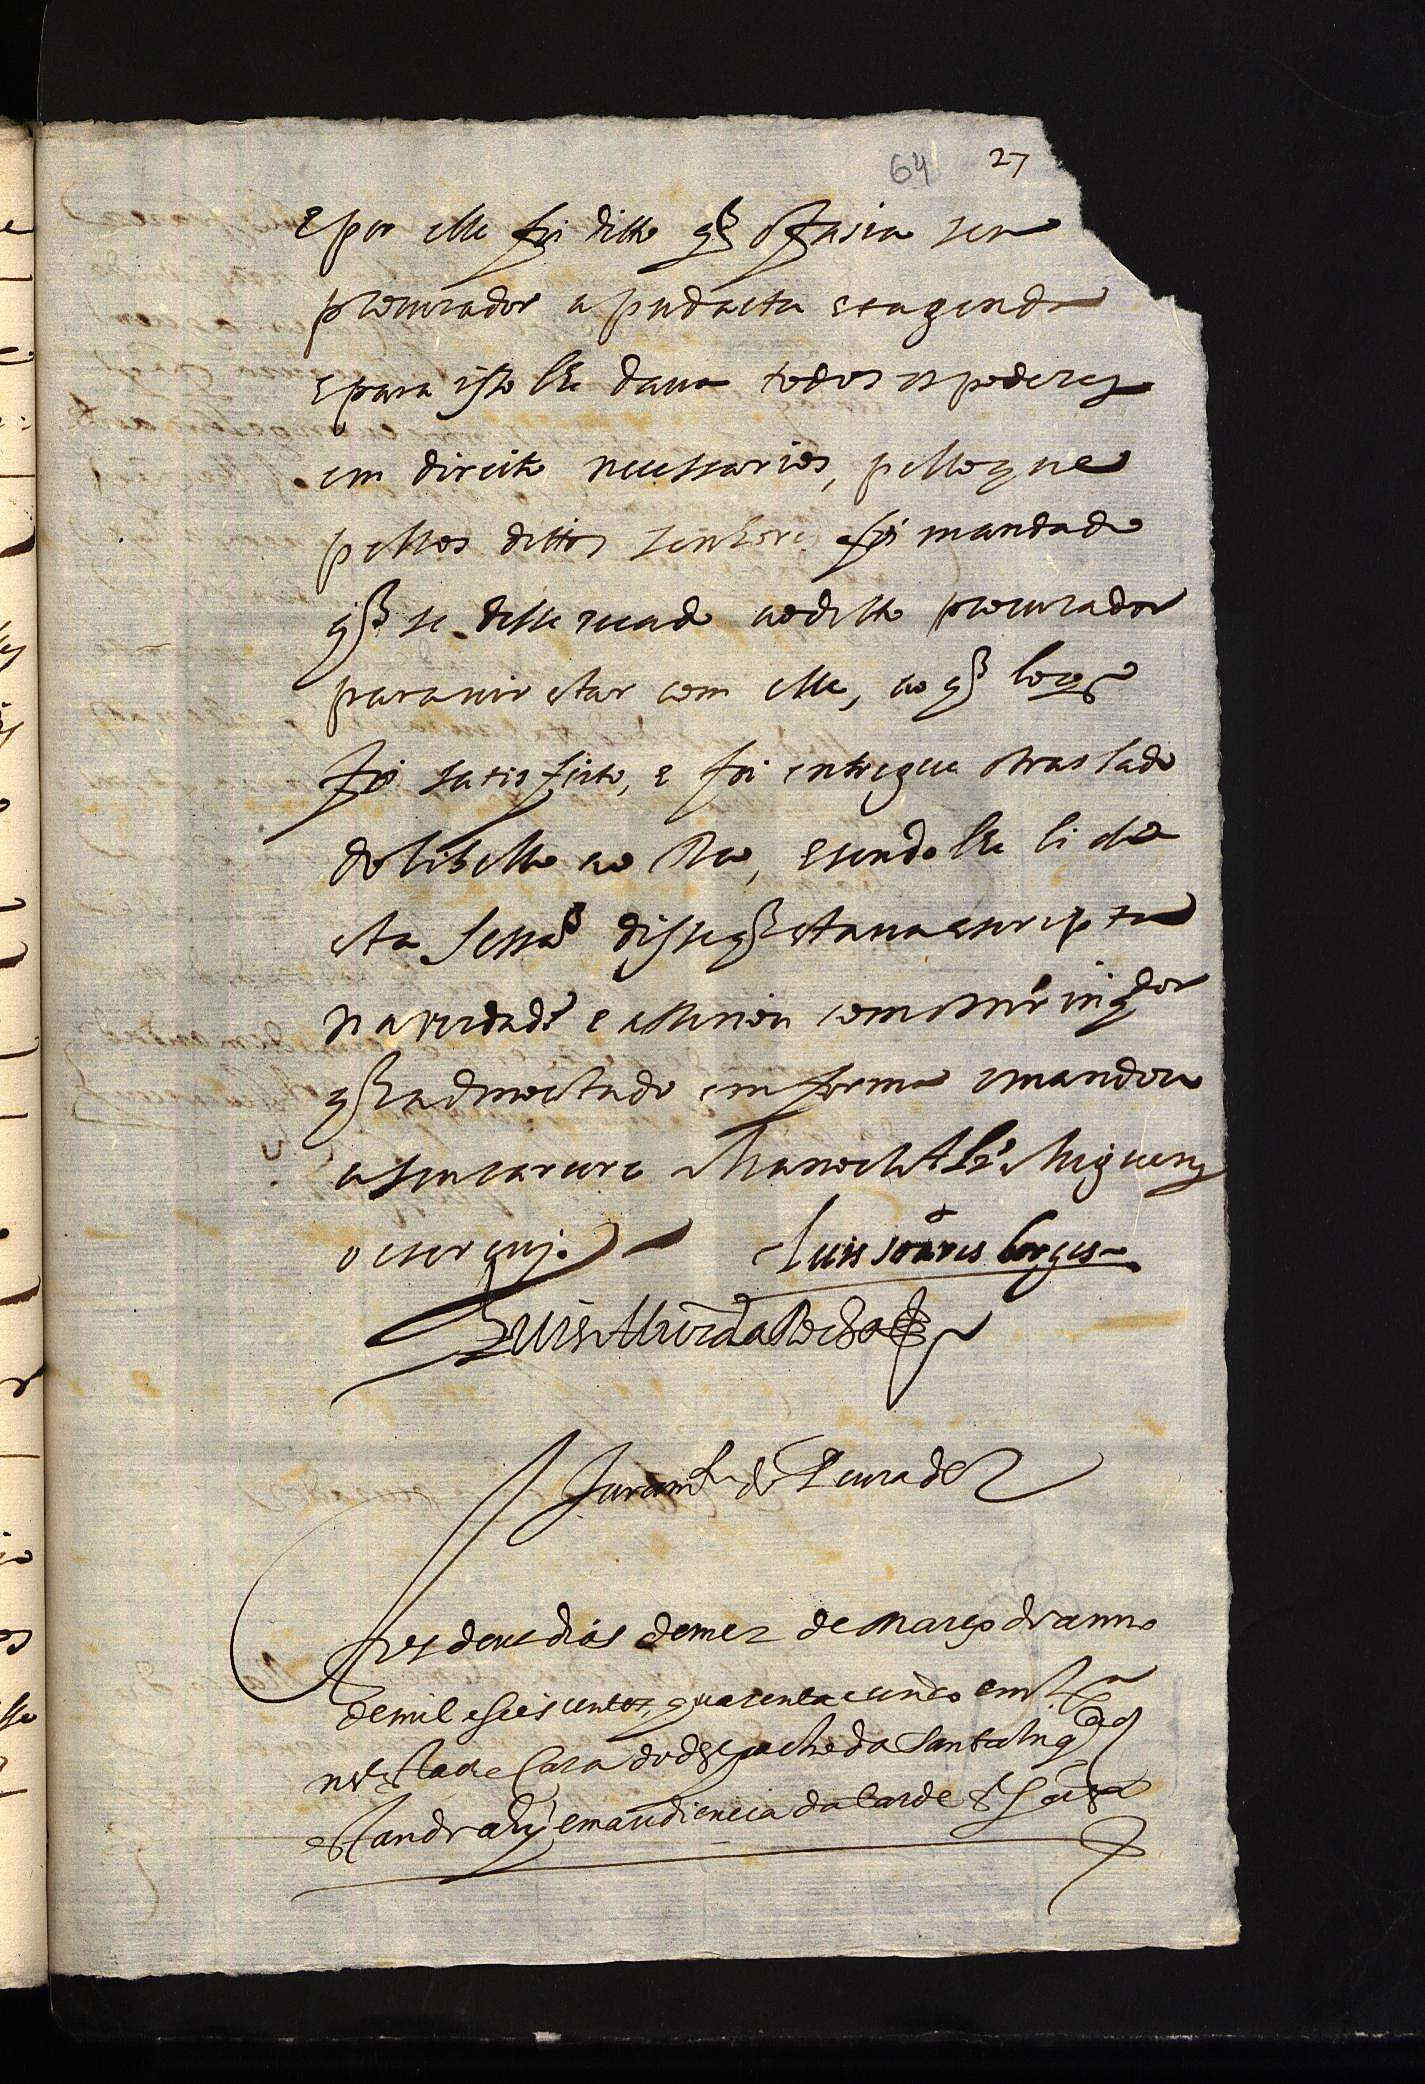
E por elle foi ditto q̄ o fasia seu
procurador apud acta Et agenda
E para isto lhe daua todos os poderes
em direito necessarios, pello que
pellos dittos senhores foi mandado
q̄ se desse recado ao ditto procurador
para uir estar com elle, ao q̄ logo
foi satisfeito, E foi entregue o traslado
do libello ao Reo, E sendolhe lida
esta Sessaõ disse q̄ estaua Escripta
na verdade E assinou com o snr̄ inqdor
q̄ admoestado em forma o mandou
a seu carcere Manoel Alz̄ Miguens
o escreuj.
